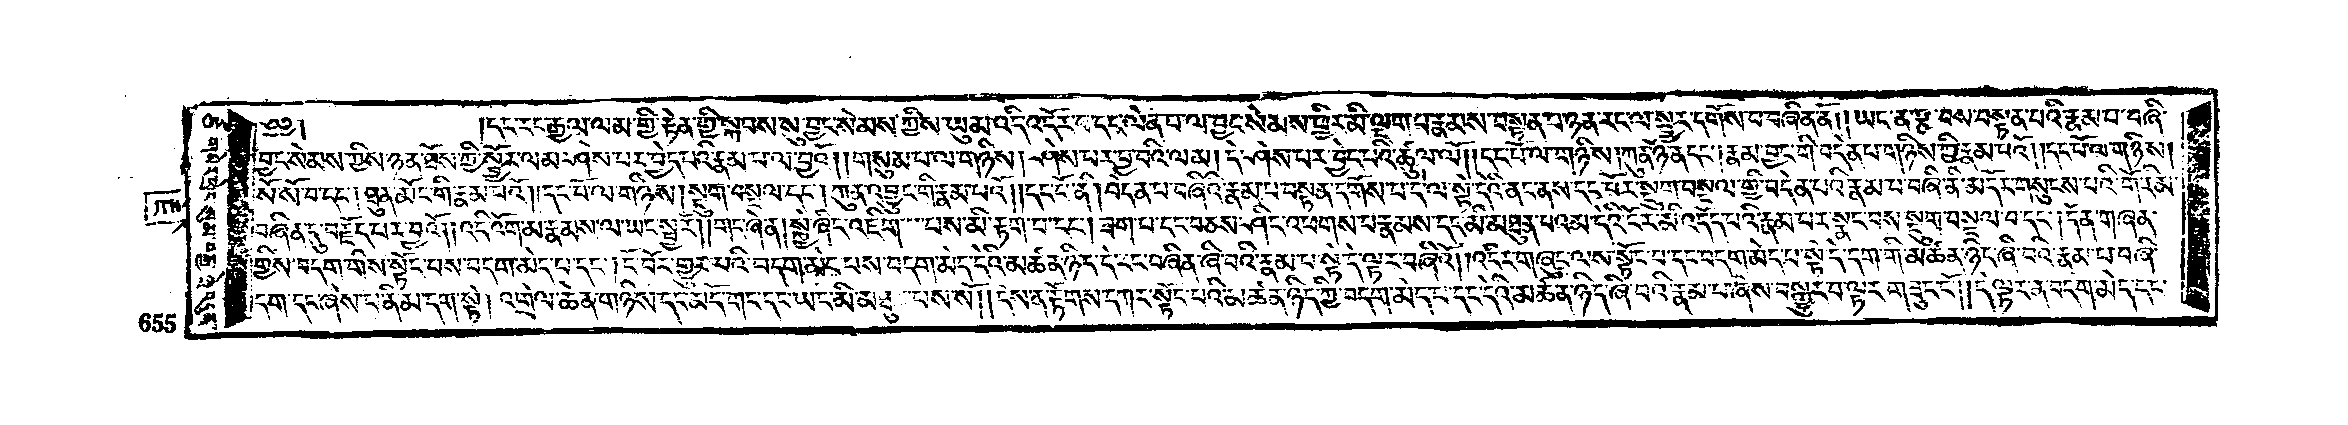༄༅། །དང་རང་རྒྱལ་ལམ་གྱི་རྟེན་གྱི་སྐབས་སུ་བྱང་སེམས་ཀྱིས་ཡུམ་འདི་འདོར་བ་དང་ལེན་པ་ལ་བྱང་སེམས་ཕྱིར་མི་ལྡོག་པ་རྣམས་བསྟན་པ་ཉན་རང་ལ་སྦྱར་དགོས་པ་བཞིན་ནོ། །ཡང་ན་རྩ་བས་བསྟན་པའི་རྣམ་པ་བཞི་
བྱང་སེམས་ཀྱིས་ཉན་ཐོས་ཀྱི་སྦྱོར་ལམ་ཤེས་པར་བྱེད་པའི་རྣམ་པ་ལ་བྱའོ། །གསུམ་པ་ལ་གཉིས། ཤེས་པར་བྱ་བའི་ལམ། དེ་ཤེས་པར་བྱེད་པའི་ཚུལ་ལོ། །དང་པོ་ལ་གཉིས། ཀུན་ཉོན་དང་། རྣམ་བྱང་གི་བདེན་པ་གཉིས་ཀྱི་རྣམ་པའོ། །དང་པོ་ལ་གཉིས།
སོ་སོ་བ་དང་། ཐུན་མོང་གི་རྣམ་པའོ། །དང་པོ་ལ་གཉིས། སྡུག་བསྔལ་དང་། ཀུན་འབྱུང་གི་རྣམ་པའོ། །དང་པོ་ནི། བདེན་པ་བཞིའི་རྣམ་པ་བསྟན་དགོས་པ་དེ་ལ་སྟེ་དེའི་ནང་ནས་དང་པོར་སྡུག་བསྔལ་གྱི་བདེན་པའི་རྣམ་པ་བཞི་ནི་མདོར་གསུངས་པའི་གོ་རིམ་
བཞིན་དུ་བརྗོད་པར་བྱའོ། །འདི་འོག་མ་རྣམས་ལ་ཡང་སྦྱར་རོ། །གང་ཞེ་ན། སྐྱེ་ཞིང་འཇིག་པས་མི་རྟག་པ་དང་། ཟག་པ་དང་བཅས་ཤིང་འཕགས་པ་རྣམས་དང་མི་མཐུན་པའམ་དེའི་ངོར་མི་འདོད་པའི་རྣམ་པར་སྣང་བས་སྡུག་བསྔལ་བ་དང་། དོན་གཞན་
གྱིས་བདག་གིས་སྟོང་པས་བདག་མེད་པ་དང་། ངོ་བོར་གྱུར་པའི་བདག་མེད་པས་བདག་མེད་དེའི་མཚན་ཉིད་དེ་རང་བཞིན་ཞི་བའི་རྣམ་པ་སྟེ་དེ་ལྟར་བཞིའོ། །འདིར་གཞུང་ལས་སྟོང་པ་དང་བདག་མེད་པ་སྟེ་དེ་དག་གི་མཚན་ཉིད་ཞི་བའི་རྣམ་པ་བཞི་
དག་དང་ཞེས་པ་ནི་མི་དག་སྟེ། འགྲེལ་ཆེན་གཉིས་དང་མདོ་གང་དང་ཡང་མི་མཐུན་པས་སོ། །དེས་ན་རྟོགས་དཀར་སྟོང་པའི་མཚན་ཉིད་ཀྱི་བདག་མེད་པ་དང་དེའི་མཚན་ཉིད་ཞི་བའི་རྣམ་པ་ཞེས་བསྒྱུར་བ་ལྟར་གཟུང་ངོ། །དེ་ལྟར་ན་བདག་མེད་དང་